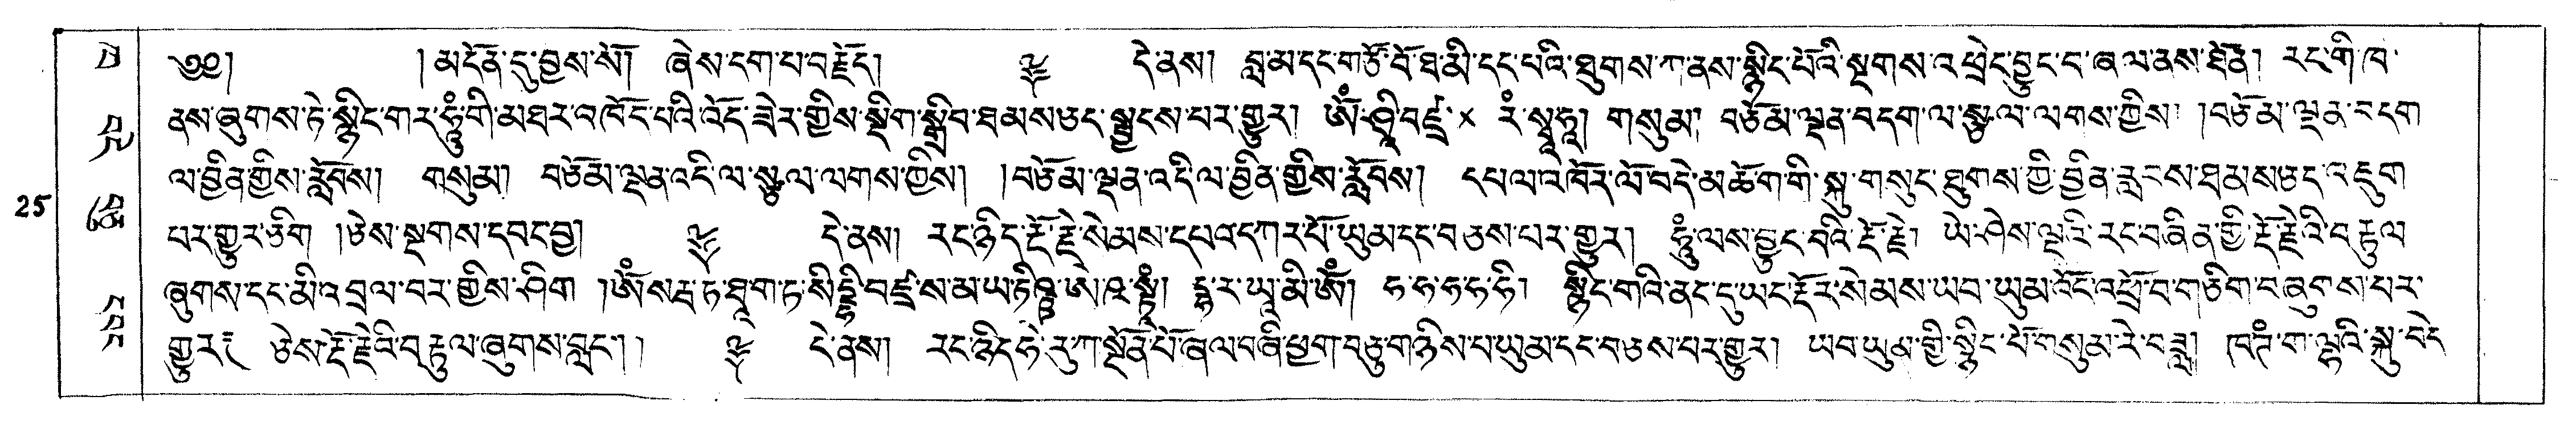༄༅། །མདོན་དུ་བྱས་སོ། ཞེས་དག་པ་བརྗོད། ༈ དེ་ནས། བླ་མ་དང་གཙོ་བོ་ཐ་མི་དང་པའི་ཐུགས་ཀ་ནས་སྙིང་པོའི་སྔགས་འཕྲེང་བྱུང་བ་ཞལ་ནས་ཐོན། རང་གི་ཁ་
ནས་ཞུགས་ཏེ་སྙིང་གར་ཧཱུཾ་གི་མཐར་འཁོད་པའི་འོད་ཟེར་གྱིས་སྡིག་སྒྲིབ་ཐམས་ཅད་སྦྱངས་པར་གྱུར། ཨོཾ་ཤྲཱི་བཛྲ་྾་རཾ་སྭཱ་ཧཱ། གསུམ། བཅོམ་ལྡན་བདག་ལ་སྩལ་ལགས་ཀྱིས། །བཅོམ་ལྡན་བདག་
ལ་བྱིན་གྱིས་རློབས། གསུམ། བཅོམ་ལྡན་འདི་ལ་སྩལ་ལགས་ཀྱིས། །བཅོམ་ལྡན་འདི་ལ་བྱིན་གྱིས་རློབས། དཔལ་འཁོར་ལོ་བདེ་མཆོག་གི་སྐུ་གསུང་ཐུགས་ཀྱི་བྱིན་རླབས་ཐམས་ཅད་འཇུག་
པར་གྱུར་ཅིག །ཅེས་སྔགས་དབང་བྱ། ༈ དེ་ནས། རང་ཉིད་རྡོ་རྗེ་སེམས་དཔའ་དཀར་པོ་ཡུམ་དང་བཅས་པར་གྱུར། ཧཱུཾ་ལས་བྱུང་བའི་རྡོ་རྗེ། ཡེ་ཤེས་ལྔའི་རང་བཞིན་གྱི་རྡོ་རྗེའི་བརྟུལ་
ཞུགས་དང་མི་འབྲལ་བར་གྱིས་ཤིག །ཨོཾ་སརྦ་ཏ་ཐཱ་ག་ཏ་སིདྡྷི་བཛྲ་ས་མ་ཡ་ཏི་ཥཊཿཨ་ཨ་ཥ་སྟཾ། དྷ་ར་ཡཱ་མི་ཨོཾ། ཧ་ཧ་ཧ་ཧ་ཧི། སྙིང་གའི་ནང་དུ་ཡང་རྡོར་སེམས་ཡབ་ཡུམ་འོད་འཕྲོ་བ་གཅིག་བཞུགས་པར་
གྱུར༑ ཅེས་རྡོ་རྗེའི་བརྟུལ་ཞུགས་བླང།། ༈ དེ་ནས། རང་ཉིད་ཧེ་རུ་ཀ་སྔོན་པོ་ཞལ་བཞི་ཕྱག་བཅུ་གཉིས་པ་ཡུམ་དང་བཅས་པར་གྱུར། ཡབ་ཡུམ་གྱི་སྙིང་པོ་གསུམ་རེ་བཟླ། ཁ་ཊཾ་ག་ལྷའི་སྐུ་བདེ་